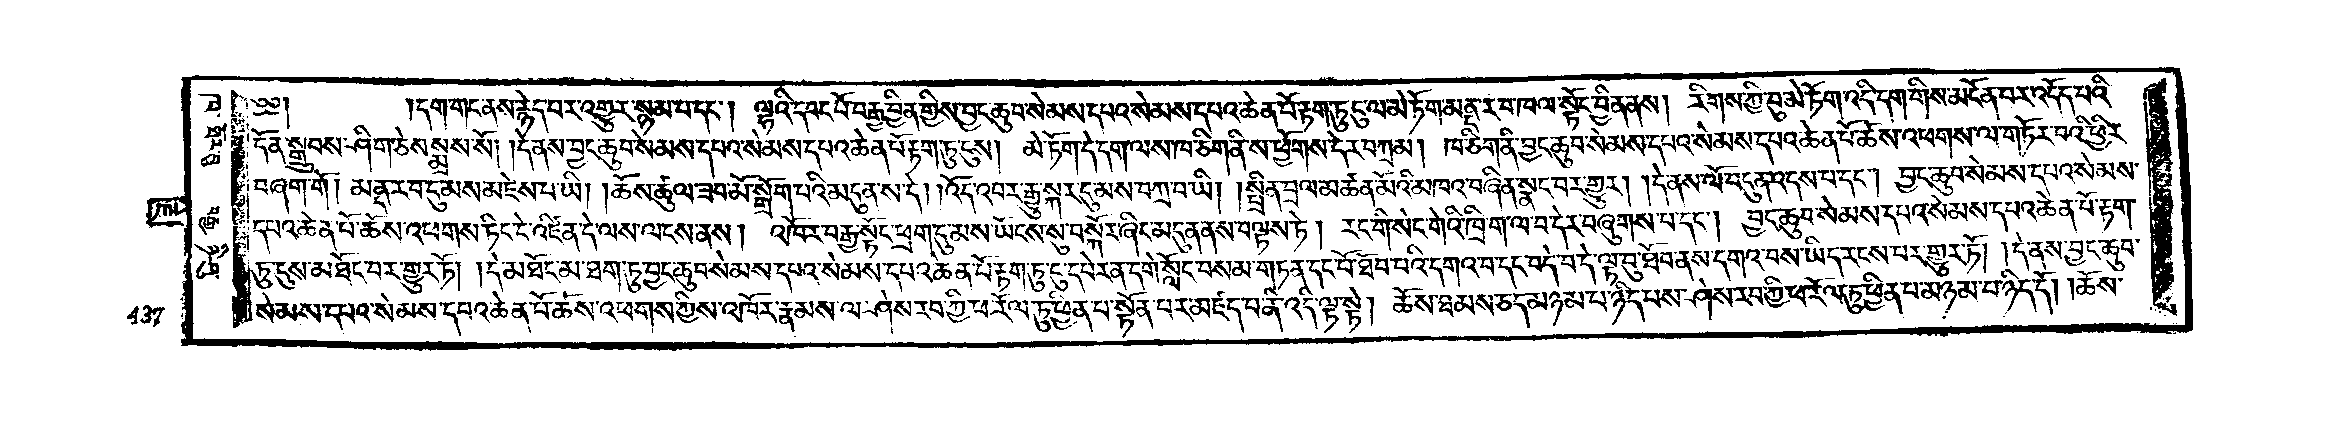༄༅། །དག་གང་ནས་རྙེད་པར་འགྱུར་སྙམ་པ་དང་། ལྷའི་དབང་པོ་བརྒྱ་བྱིན་གྱིས་བྱང་ཆུབ་སེམས་དཔའ་སེམས་དཔའ་ཆེན་པོ་རྟག་ཏུ་ངུ་ལ་མེ་ཏོག་མནྡ་ར་བ་ཁལ་སྟོང་བྱིན་ནས། རིགས་ཀྱི་བུ་མེ་ཏོག་འདི་དག་གིས་མངོན་པར་འདོད་པའི་
དོན་སྒྲུབས་ཤིག་ཅེས་སྨྲས་སོ། །དེ་ནས་བྱང་ཆུབ་སེམས་དཔའ་སེམས་དཔའ་ཆེན་པོ་རྟག་ཏུ་ངུས། མེ་ཏོག་དེ་དག་ལས་ཁ་ཅིག་ནི་ས་ཕྱོགས་དེར་བཀྲམ། ཁ་ཅིག་ནི་བྱང་ཆུབ་སེམས་དཔའ་སེམས་དཔའ་ཆེན་པོ་ཆོས་འཕགས་ལ་གཏོར་བའི་ཕྱིར་
བཞག་གོ །མནྡ་ར་བ་དུ་མས་མཛེས་པ་ཡི། །ཆོས་ཚུལ་ཟབ་མོ་སྒྲོག་པའི་མདུན་ས་དེ། །འོད་འབར་རྒྱུ་སྐར་དུ་མས་བཀྲ་བ་ཡི། །སྤྲིན་བྲལ་མཚན་མོའི་མཁའ་བཞིན་སྣང་བར་གྱུར། །དེ་ནས་ལོ་བདུན་འདས་པ་དང་། བྱང་ཆུབ་སེམས་དཔའ་སེམས་
དཔའ་ཆེན་པོ་ཆོས་འཕགས་ཏིང་ངེ་འཛིན་དེ་ལས་ལངས་ནས། འཁོར་བརྒྱ་སྟོང་ཕྲག་དུ་མས་ཡོངས་སུ་བསྐོར་ཞིང་མདུན་ནས་བལྟས་ཏེ། རང་གི་སེང་གེའི་ཁྲི་ག་ལ་བ་དེར་བཞུགས་པ་དང་། བྱང་ཆུབ་སེམས་དཔའ་སེམས་དཔའ་ཆེན་པོ་རྟག་
ཏུ་ངུས་མཐོང་བར་གྱུར་ཏོ། །དེ་མཐོང་མ་ཐག་ཏུ་བྱང་ཆུབ་སེམས་དཔའ་སེམས་དཔའ་ཆེན་པོ་རྟག་ཏུ་ངུ་དཔེར་ན་དགེ་སློང་བསམ་གཏན་དང་པོ་ཐོབ་པའི་དགའ་བ་དང་བདེ་བ་དེ་ལྟ་བུ་ཐོབ་ནས་དགའ་བས་ཡིད་རངས་བར་གྱུར་ཏོ། །དེ་ནས་བྱང་ཆུབ་
སེམས་དཔའ་སེམས་དཔའ་ཆེན་པོ་ཆོས་འཕགས་ཀྱིས་འཁོར་རྣམས་ལ་ཤེས་རབ་ཀྱི་ཕ་རོལ་ཏུ་ཕྱིན་པ་སྟོན་པར་མཛད་པ་ནི་འདི་ལྟ་སྟེ། ཆོས་ཐམས་ཅད་མཉམ་པ་ཉིད་པས་ཤེས་རབ་ཀྱི་ཕ་རོལ་ཏུ་ཕྱིན་པ་མཉམ་པ་ཉིད་དོ། །ཆོས་